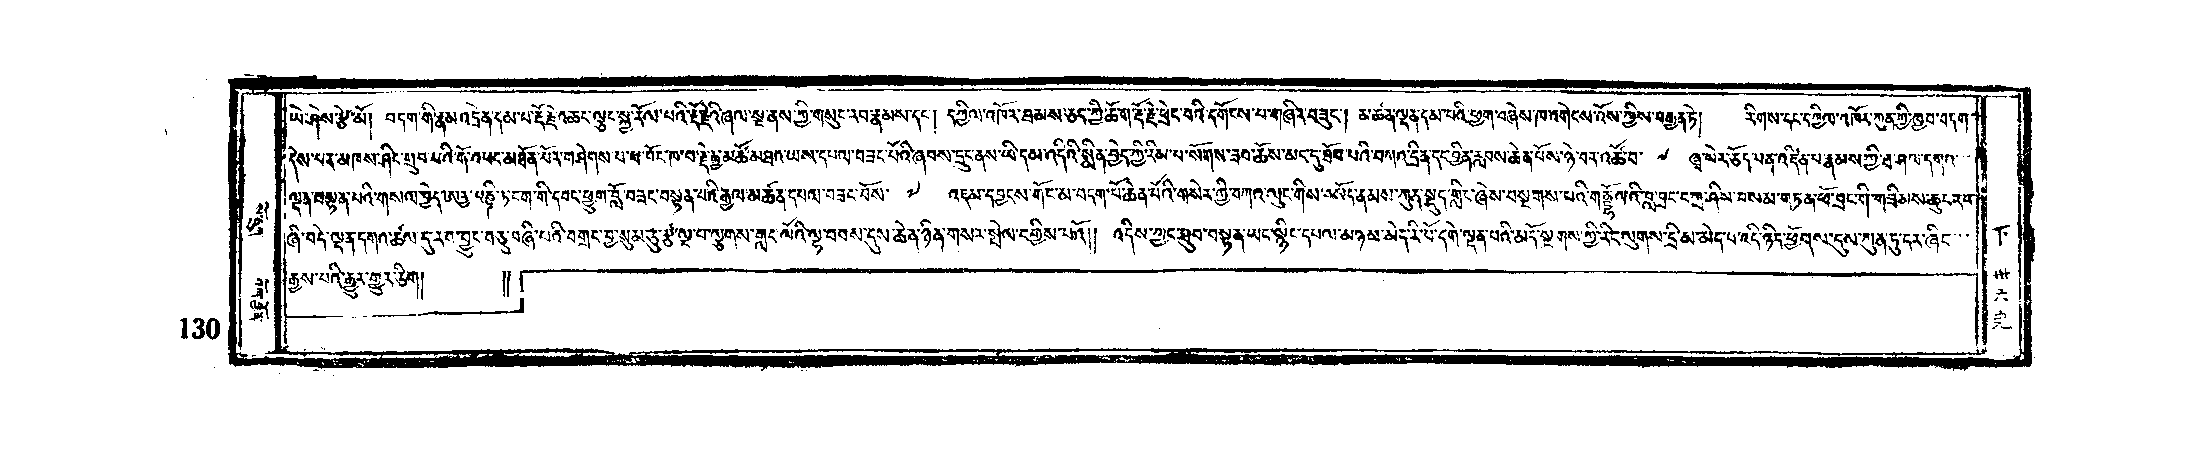ཡེ་ཤེས་རྩེ་མོ། བདག་གི་རྣམ་འདྲེན་དམ་པ་རྡོ་རྗེ་འཆང་ལྕང་སྐྱ་རོལ་བའི་རྡོ་རྗེའི་ཞལ་སྔ་ནས་ཀྱི་གསུང་རབ་རྣམས་དང་། དཀྱིལ་འཁོར་ཐམས་ཅད་ཀྱི་ཆོ་ག་རྡོ་རྗེ་ཕྲེང་བའི་དགོངས་པ་གཞིར་བཟུང་། མཚན་ལྡན་དམ་པའི་ཕྱག་བཞེས་ཁ་འགེངས་འོས་ཀྱིས་བརྒྱན་ཏེ། རིགས་དང་དཀྱིལ་འཁོར་ཀུན་གྱི་ཁྱབ་བདག་
དེས་པར་མཁས་ཤིང་གྲུབ་པའི་གོ་འཕང་མཐོན་པོར་གཤེགས་པ་ཕ་བོང་ཁ་བ་རྗེ་རྒྱ་མཚོ་མཐའ་ཡས་དཔལ་བཟང་པོའི་ཞབས་དྲུང་ནས་ཡི་དམ་འདིའི་སྨིན་བྱེད་ཀྱི་རིམ་པ་སོགས་ཟབ་ཆོས་མང་དུ་ཐོབ་པའི་བཀའ་དྲིན་དང་བྱིན་རླབས་ཆེན་པོས་ཉེ་བར་འཚོ་བ། ཞྭ་སེར་ཅོད་པན་འཛིན་པ་རྣམས་ཀྱི་རྦ་ཤལ་དགའ་
ལྡན་བསྟན་པའི་གསལ་བྱེད་ཨརྱ་པཎྜི་ཏ་ནག་གི་དབང་ཕྱུག་བློ་བཟང་བསྟན་པའི་རྒྱལ་མཚན་དཔལ་བཟང་པོས། འཇམ་དབྱང་གོང་མ་བདག་པོ་ཆེན་པོའི་གསེར་གྱི་བཀའ་ལུང་གིས་བསོད་ནམས་ཀུན་སྡུད་གླིང་ཞེས་བསྔགས་པའི་གནྡྷོ་ལའི་བླ་བྲང་བཀྲ་ཤིས་བསམ་གཏན་ཕོ་བྲང་གི་གཟིམས་ཆུང་རབ་
ཞི་བདེ་ལྡན་དགའ་ཚལ་དུ་རབ་བྱུང་བཅུ་བཞི་པའི་བགྲང་བྱ་སུམ་ཅུ་རྩ་ལྔ་པ་ལྕགས་གླང་ལོའི་ལྷ་བབས་དུས་ཆེན་ཉིན་གསར་སྤེལ་བགྱིས་པའོ། །འདིས་ཀྱང་ཐུབ་བསྟན་ཡང་སྙིང་དཔལ་མཉམ་མེད་རི་བོ་དགེ་ལྡན་པའི་མདོ་སྔགས་ཀྱི་རིང་ལུགས་དྲི་མ་མེད་པ་འདི་ཉིད་ཕྱོགས་དུས་ཀུན་ཏུ་དར་ཞིང་
རྒྱས་པའི་རྒྱུ་གྱུར་ཅིག།། །།